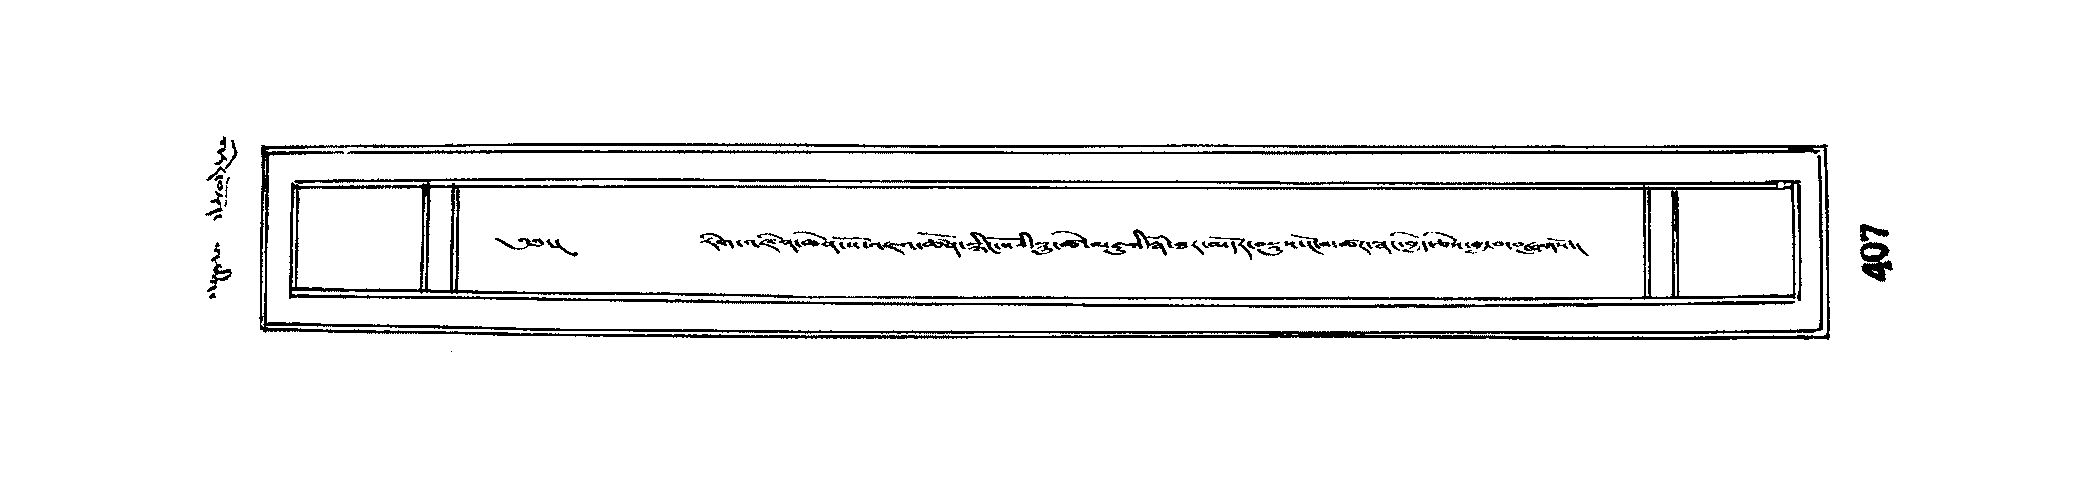རིག་འཛིན་ཆེན་པོ་འཇའ་ཚོན་སྙིང་པོའི་སྐུ་ཚེ་མཇུག་གི་རྣམ་ཐར་མདོར་བསྡུས་ངོ་མ་ཚར་སྣང་བྱེད་ཅེས་བྱ་བ་བཞུགས་སོ། །